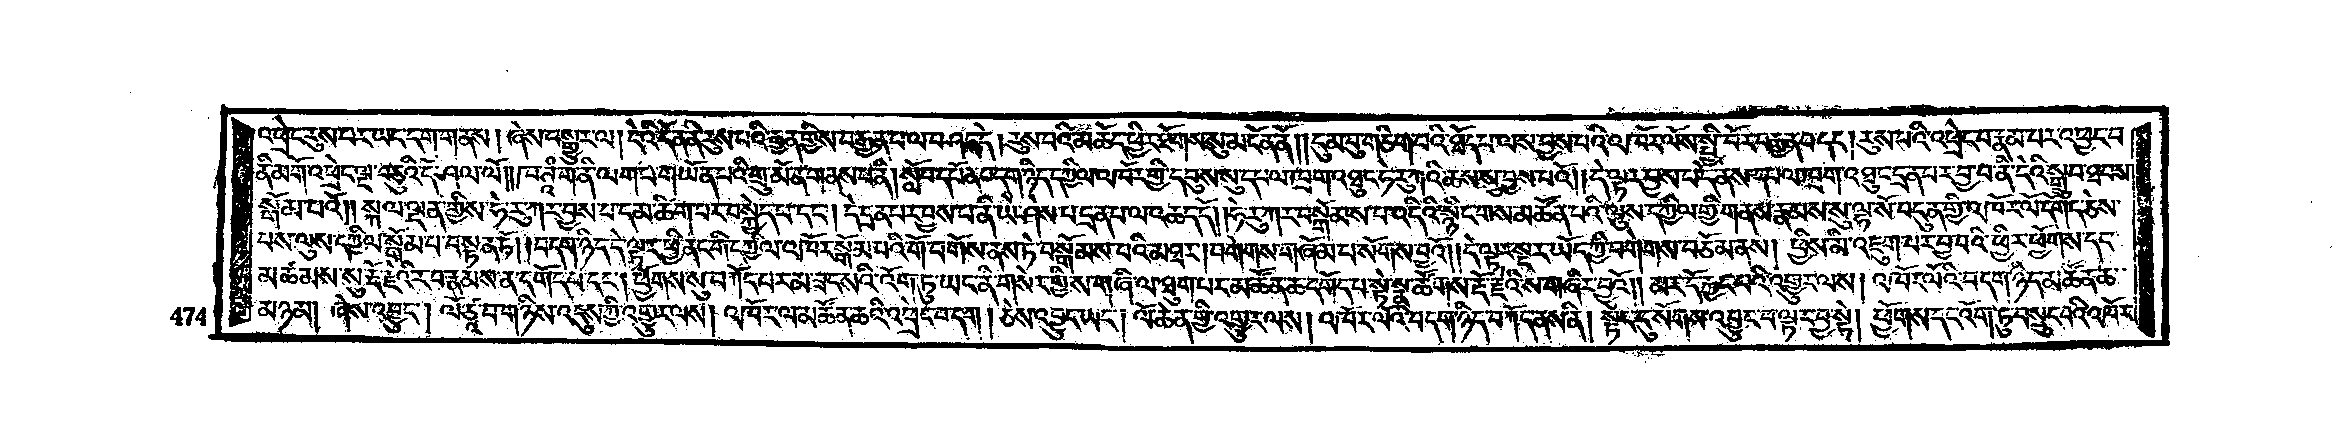འཕྲེང་རུས་པར་ཡང་དག་གནས། ཞེས་བསྒྱུར་ལ། དེའི་དོན་ནི་རུས་པའི་རྒྱན་གྱིས་བརྒྱན་པ་ལ་བཤད་དེ། རུས་པའི་མཆོད་ཕྱིར་ཐོགས་སུ་མངོན་ནོ། །དུམ་བུ་གཅིག་པའི་ཐོད་པ་ལས་བྱས་པའི་འཁོར་ལོས་སྤྱི་བོར་བརྒྱན་པ་དང་། རུས་པའི་འཕྲེང་བ་རྣམ་པར་འཕྱང་བ་
ནི་མགོ་འཕྲེང་ལྔ་བཅུའི་དོ་ཤལ་ལེ། །ཁ་ཊའཾ་ག་ནི་ལག་པ་གཡོན་པའི་གྲུ་མོ་ན་གནས་པ་ནི། སློབ་དཔོན་བདག་ཉིད་དཀྱིལ་འཁོར་གྱི་དབུས་སུ་དཔལ་ཁྲག་འཐུང་ཧེ་རུ་ཀའི་ཆས་སུ་བྱས་པའོ། །དེ་ལྟར་བྱས་པ་དེ་ནས་དཔལ་ཁྲག་འཐུང་དྲན་པར་བྱ་བ་ནི་དེའི་སྒྲུབ་ཐབས་
སྒོམ་པའོ། །སྐལ་ལྡན་གྱིས་ཧེ་རུ་ཀར་བྱས་པ་དམ་ཚིག་པར་བསྐྱེད་པ་དང་། དེ་དྲན་པར་བྱས་པ་ནི་ཡེ་ཤེས་པ་དྲན་པ་ལ་འཆད་དོ། །ཧེ་རུ་ཀར་བསྒོམས་པ་འདིའི་སྙིང་གས་མཚོན་པའི་ལུས་དཀྱིལ་གྱི་གནས་རྣམས་སུ་ལྷ་སོ་བདུན་གྱི་འཁོར་ལོ་དགོད་ཅེས་
པས་ལུས་དཀྱིལ་སྒོམ་པ་བསྟན་ཏོ། །བདག་ཉིད་དེ་ལྟར་ཕྱི་ནང་གི་དཀྱིལ་འཁོར་སྒོམ་པའི་གོ་བགོས་ནས་ཏེ་བསྒོམས་པའི་མཐར། བགེགས་གཞོམ་པ་སོགས་བྱའོ། །དེ་ལྟར་སྔར་ཡོད་ཀྱི་བགེགས་བཅོམ་ནས། ཕྱིས་མི་འཇུག་པར་བྱ་བའི་ཕྱིར་ཕྱོགས་དང་
མཚམས་སུ་རྡོ་རྗེའི་ར་བ་རྣམས་ནི་དགོད་པ་དང་། ཕྱོགས་སུ་བཀོད་པར་མ་ཟད་སའི་འོག་ཏུ་ཡང་ནི་གསེར་གྱི་ས་གཞི་ལ་ཐུག་པར་མཚོན་ཆ་དགོད་པ་སྟེ་སྣ་ཚོགས་རྡོ་རྗེའི་ས་གཞིར་བྱའོ། །མར་དོ་རྒྱང་པའི་འགྱུར་ལས། འཁོར་ལོའི་བདག་ཉིད་མཚོན་ཆ་
མཉམ། ཞེས་འབྱུང་། ལོ་ཙཱ་བ་གཉིས་འདུས་ཀྱི་འགྱུར་ལས། འཁོར་ལ་མཚོན་ཆའི་འཕྲེང་བ་དག །ཅེས་འབྱུང་ཡང་། ལོ་ཆེན་གྱི་འགྱུར་ལས། འཁོར་ལོའི་བདག་ཉིད་བཀོད་ནས་ནི། སྟེང་དུ་སོགས་འབྱུང་བ་ལྟར་བྱ་སྟེ། ཕྱོགས་དང་འོག་ཏུ་བསྲུང་བའི་འཁོར་